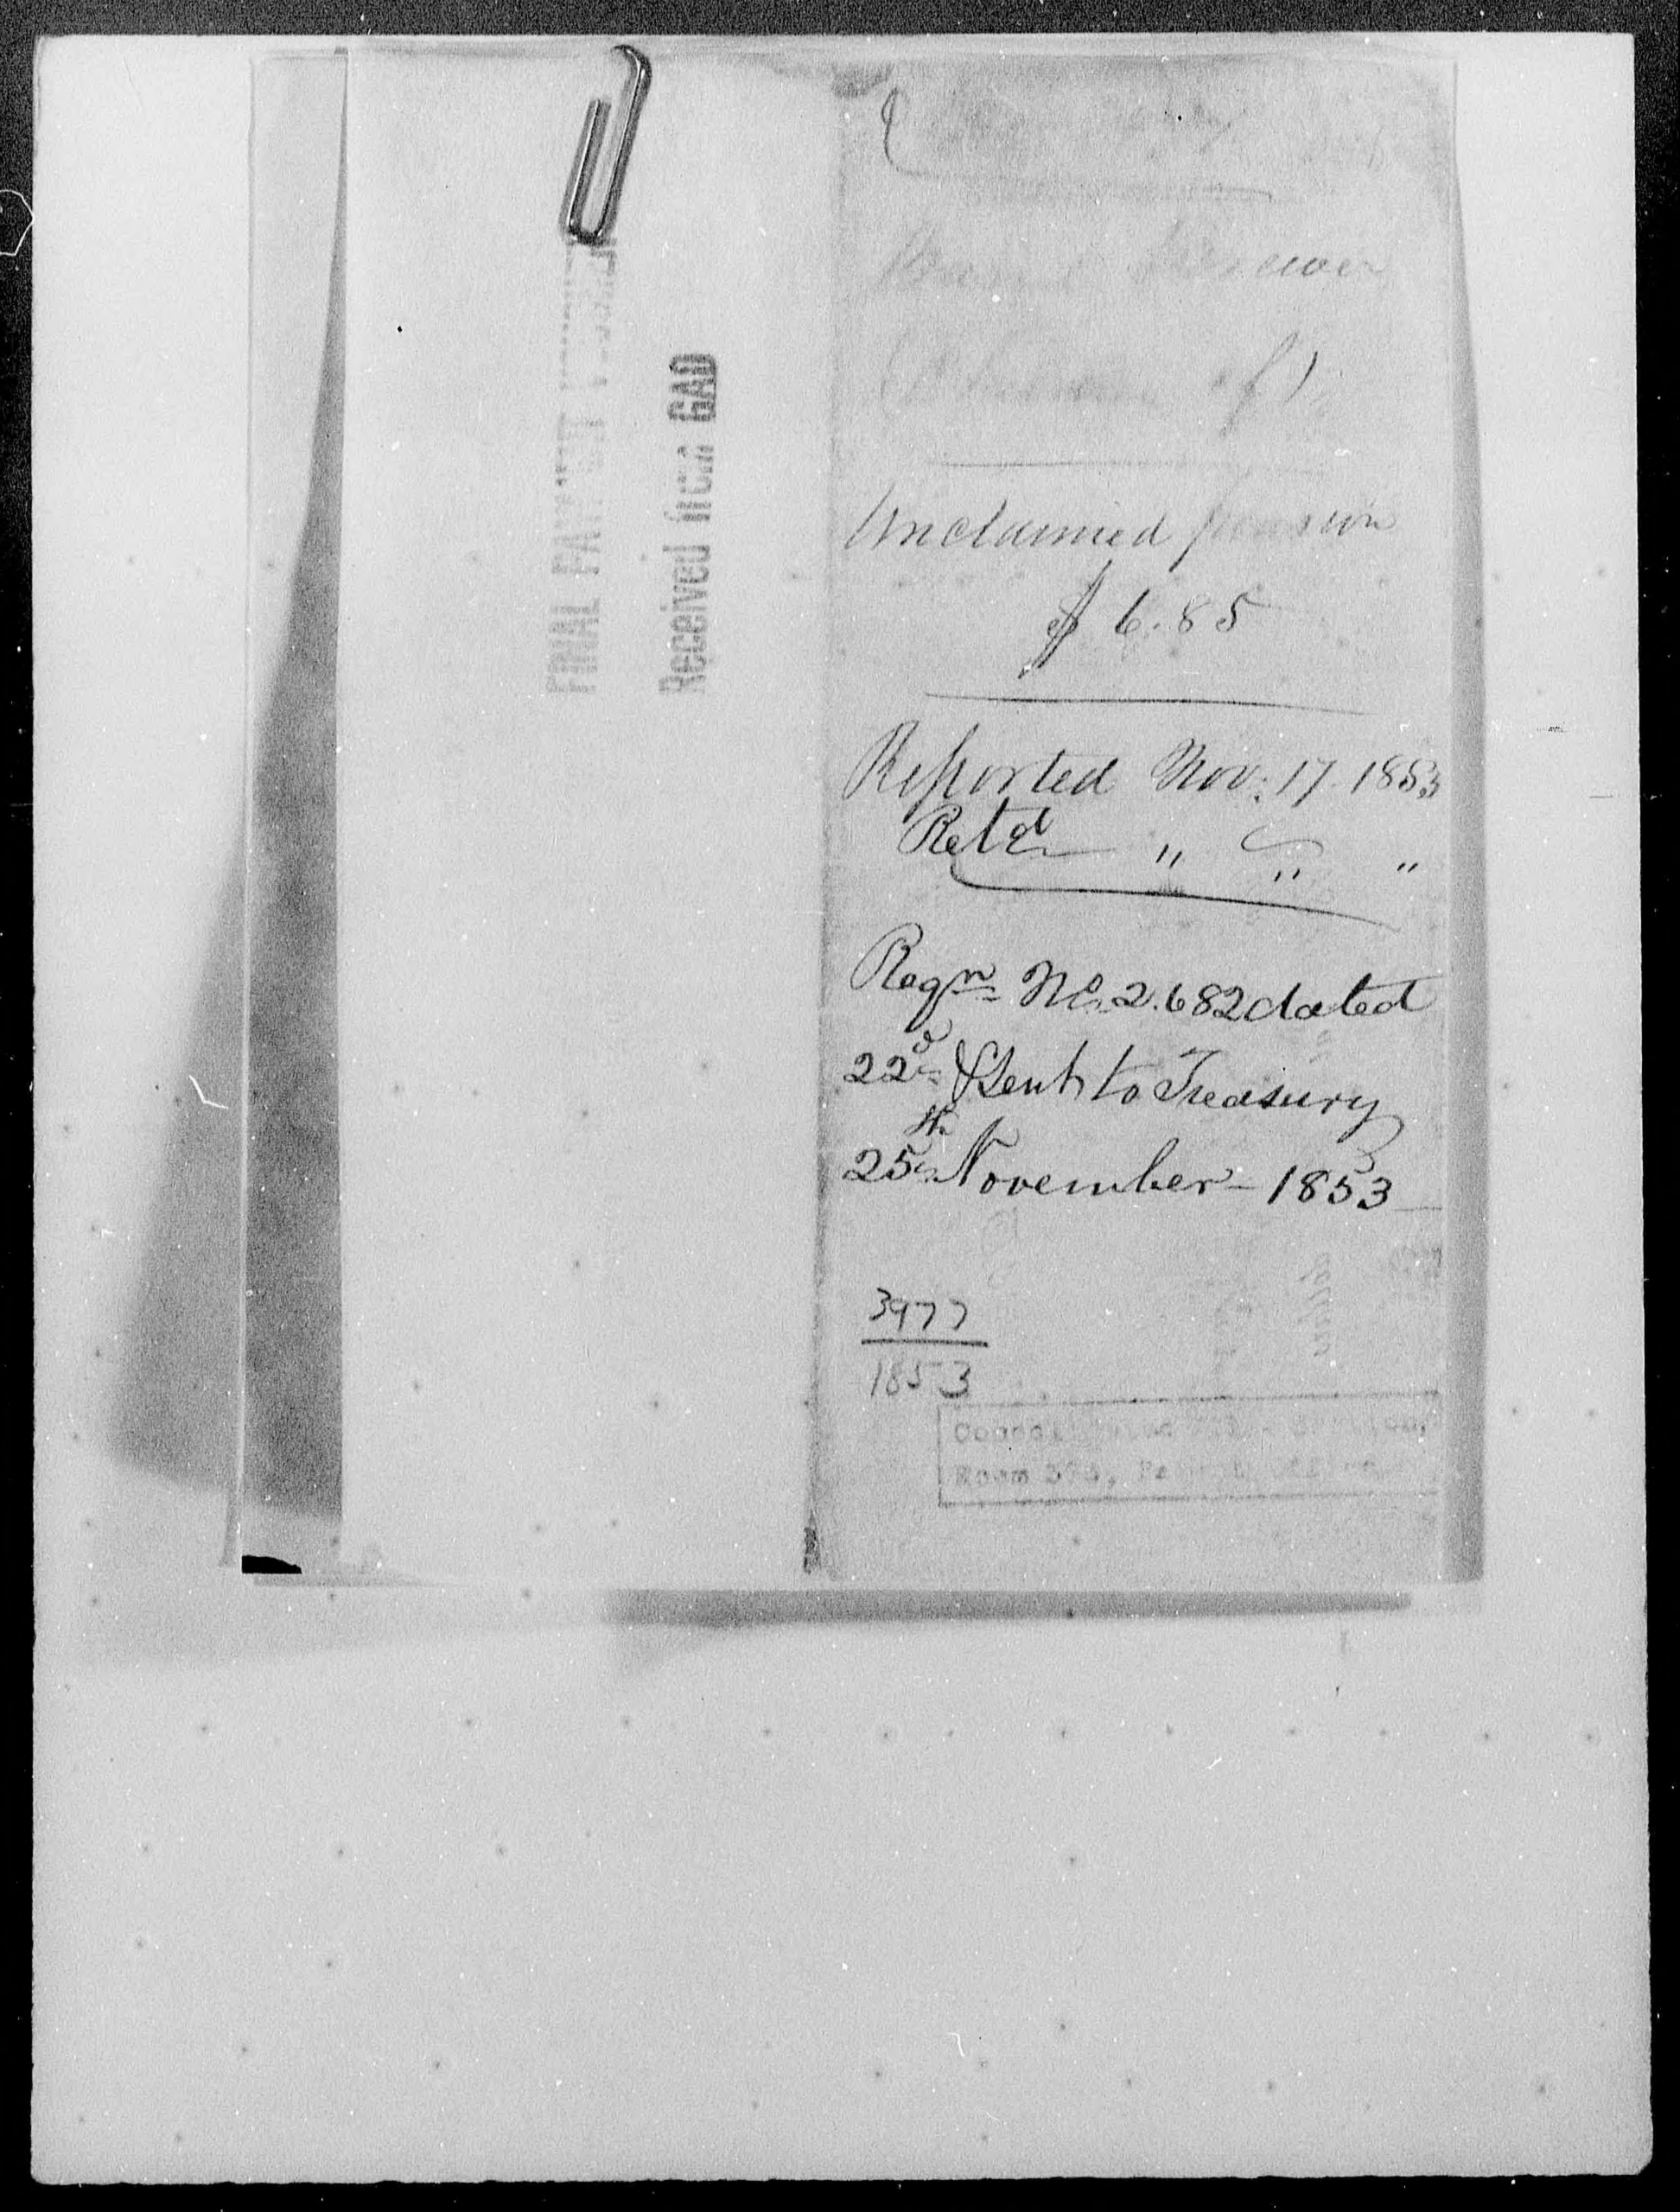[on left side]
Final payment {illegible]

[Right side]
[illegible]

Unclaimed pension
$6.85
Reported Nov.17,1853
Reter Nov. 17, 1853

Regn N.C 2.682  dated
22nd sent to treasury
25th November - 1853

[underlined] 3977
1853

[illegible] rectangular stamp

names: Barrett Brewer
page: 6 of 49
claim: survivor's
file: S. 32,131, Barrett Brewer, Va.